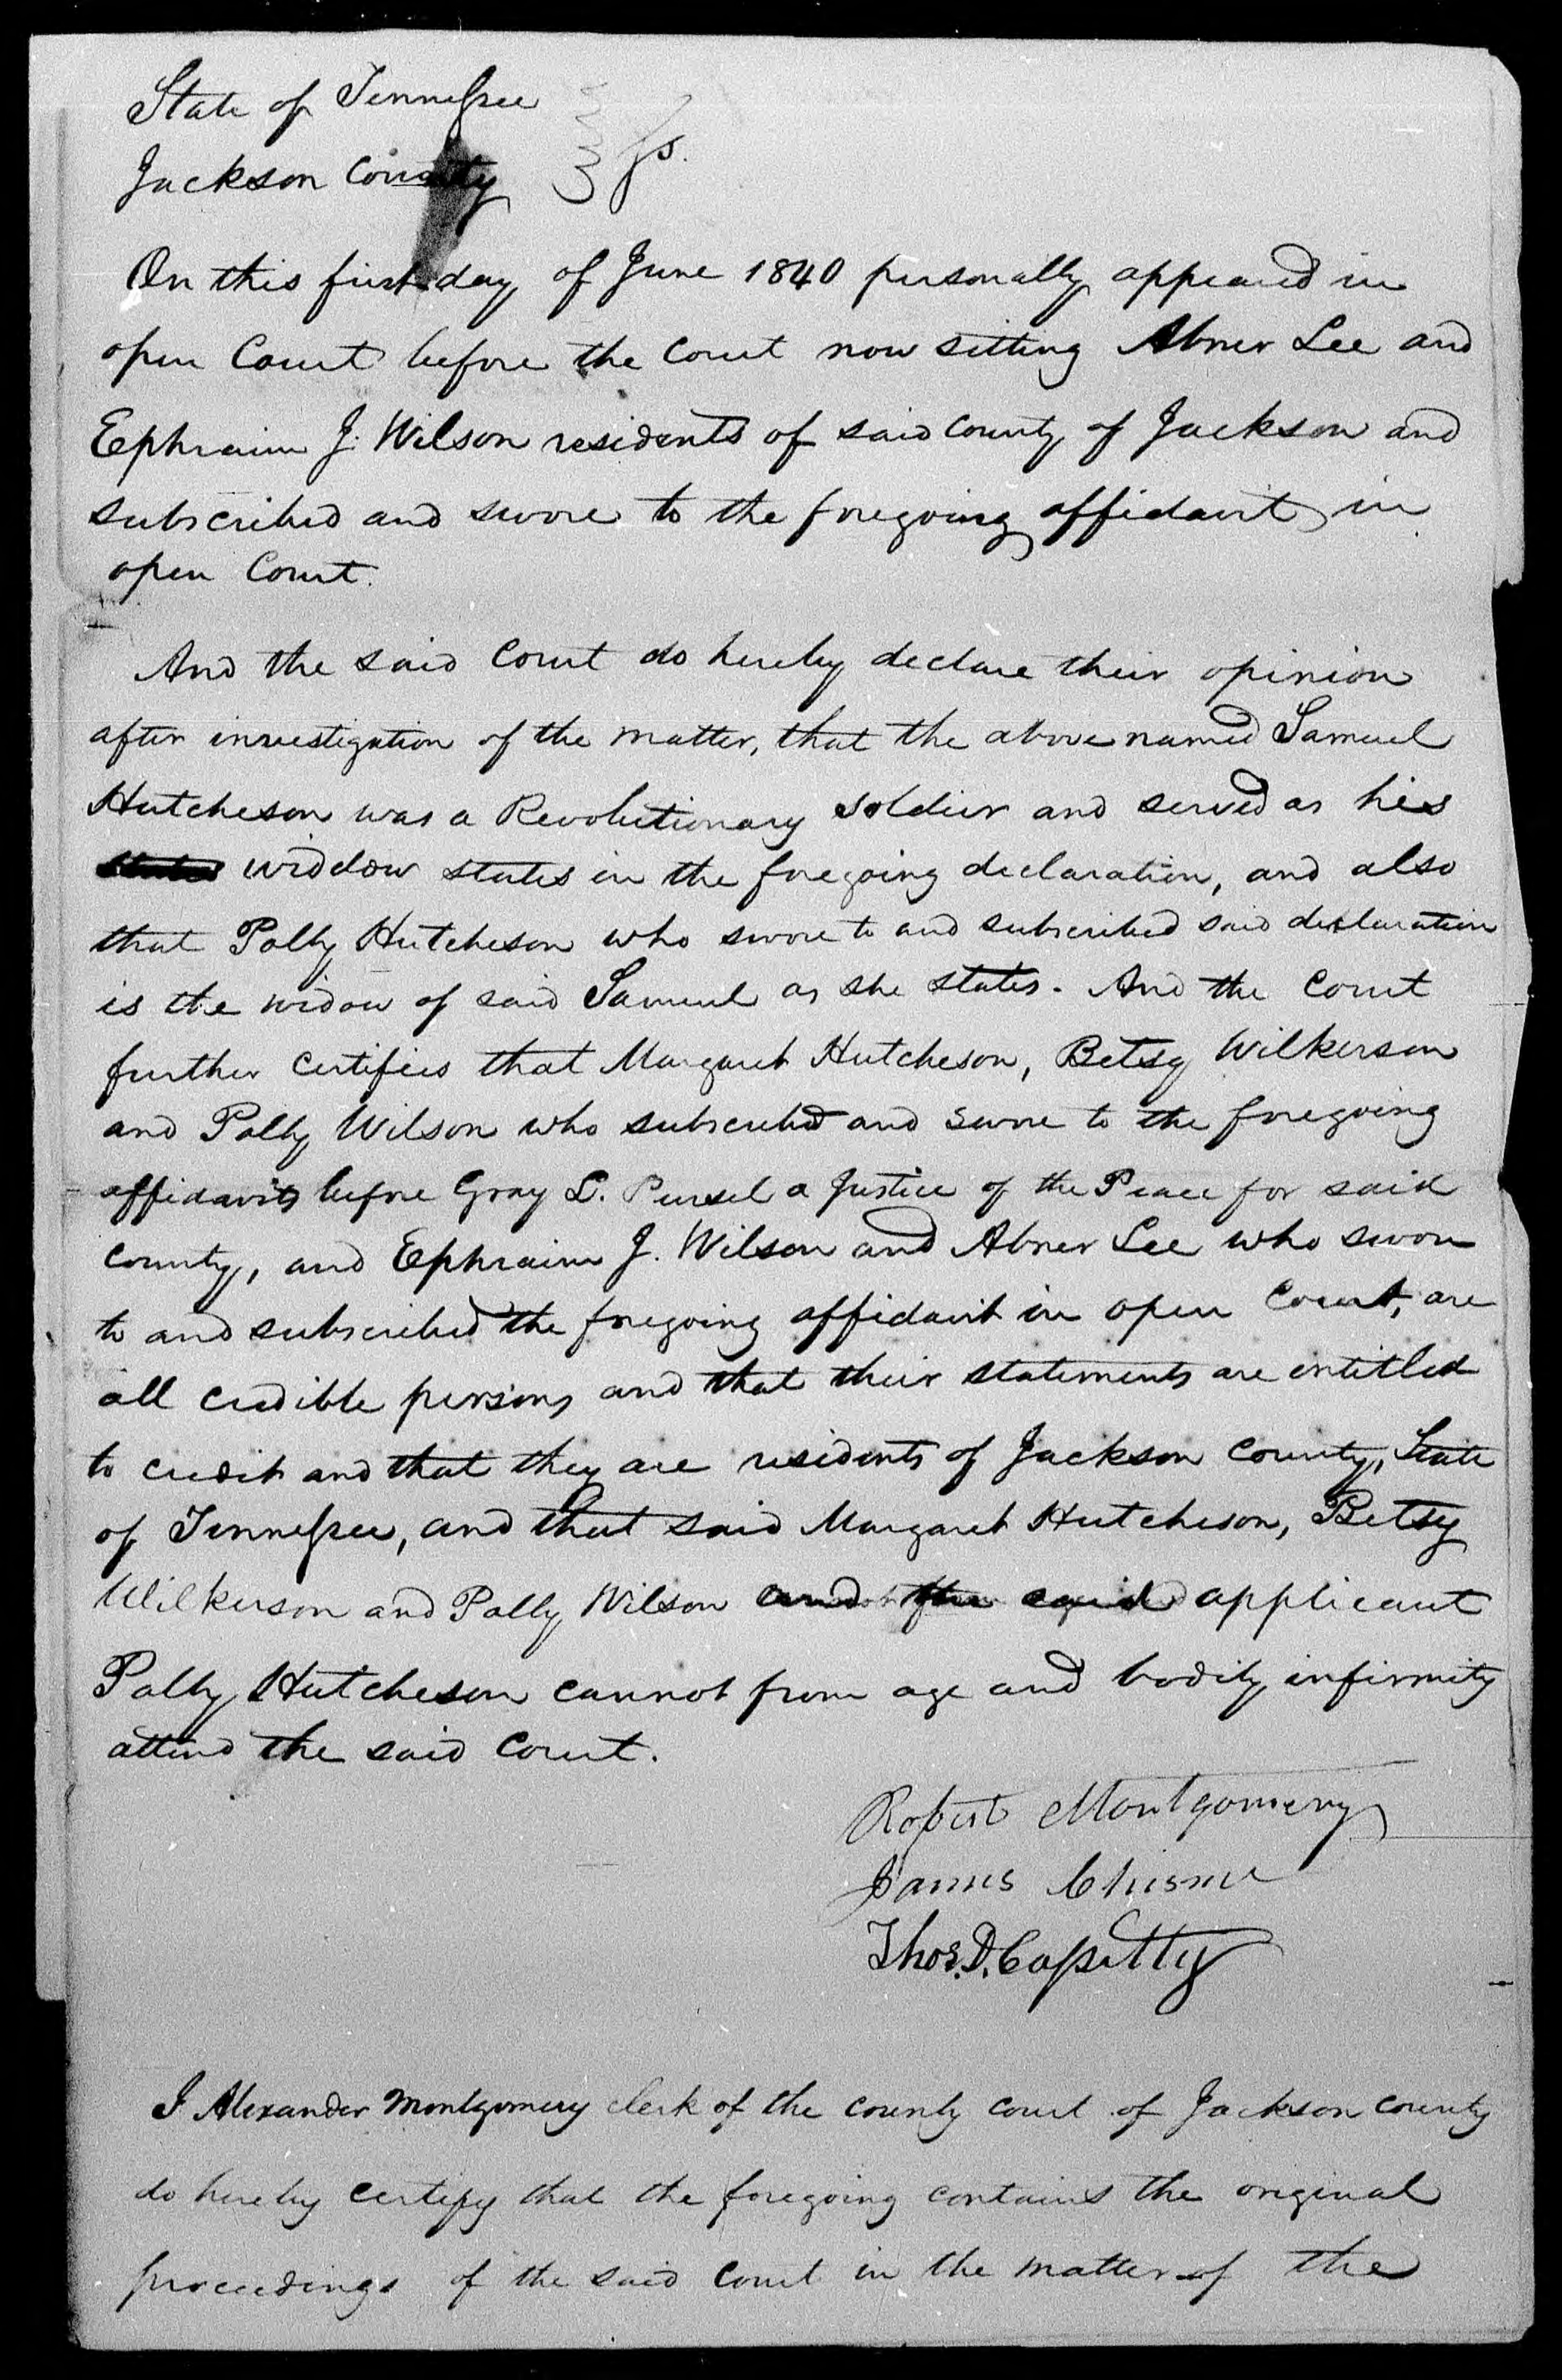State of Tennessee} 
Jackson County} SS 

On this first day of June 1840 personally appeared in open Court before the Court now sitting Abner Lee and Ephraim J. Wilson residents of said County of Jackson and subscribed and swore to the foregoing affidavit in open Court. 

And the said Court do hereby declare their opinion after investigation of the matter, that the above named Samuel Hutchison was a Revolutionary soldier and served as his widdow [widow] states in the foregoing declaration, and also that Polly Hutchison who swore to and subscribed said declaration is the widow of said Samuel as she states. And the Court further certifies that Margaret Hutcheson, Betsy Wilkerson and Polly Wilson who subscribed and swore to the foregoing affidavits before Gray L. Pursel a Justice of the Peace for said County, and Ephraim J. Wilson and Abner Lee who sworn to and subscribed the foregoing affidavit in open Court are all credible persons and that their statements are entitled to credit and that they are residents of Jackson County, State of Tennessee, and that said Margaret Hutcheson, Betty Wilkerson and Polly Wilson and the said applicant Polly Hutcheson cannot from age and bodily infirmity attend the said Court.

Robert Montgomery 
James [Chism?]
Thos D. [Cassitty?]

I Alexander Montgomery Clerk of the County Court of Jackson County do hereby certify that the foregoing contains the original proceedings of the said Court in the matter of the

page: 3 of 19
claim: rejected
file: R. 5442, for Samuel Hutchison, Virginia